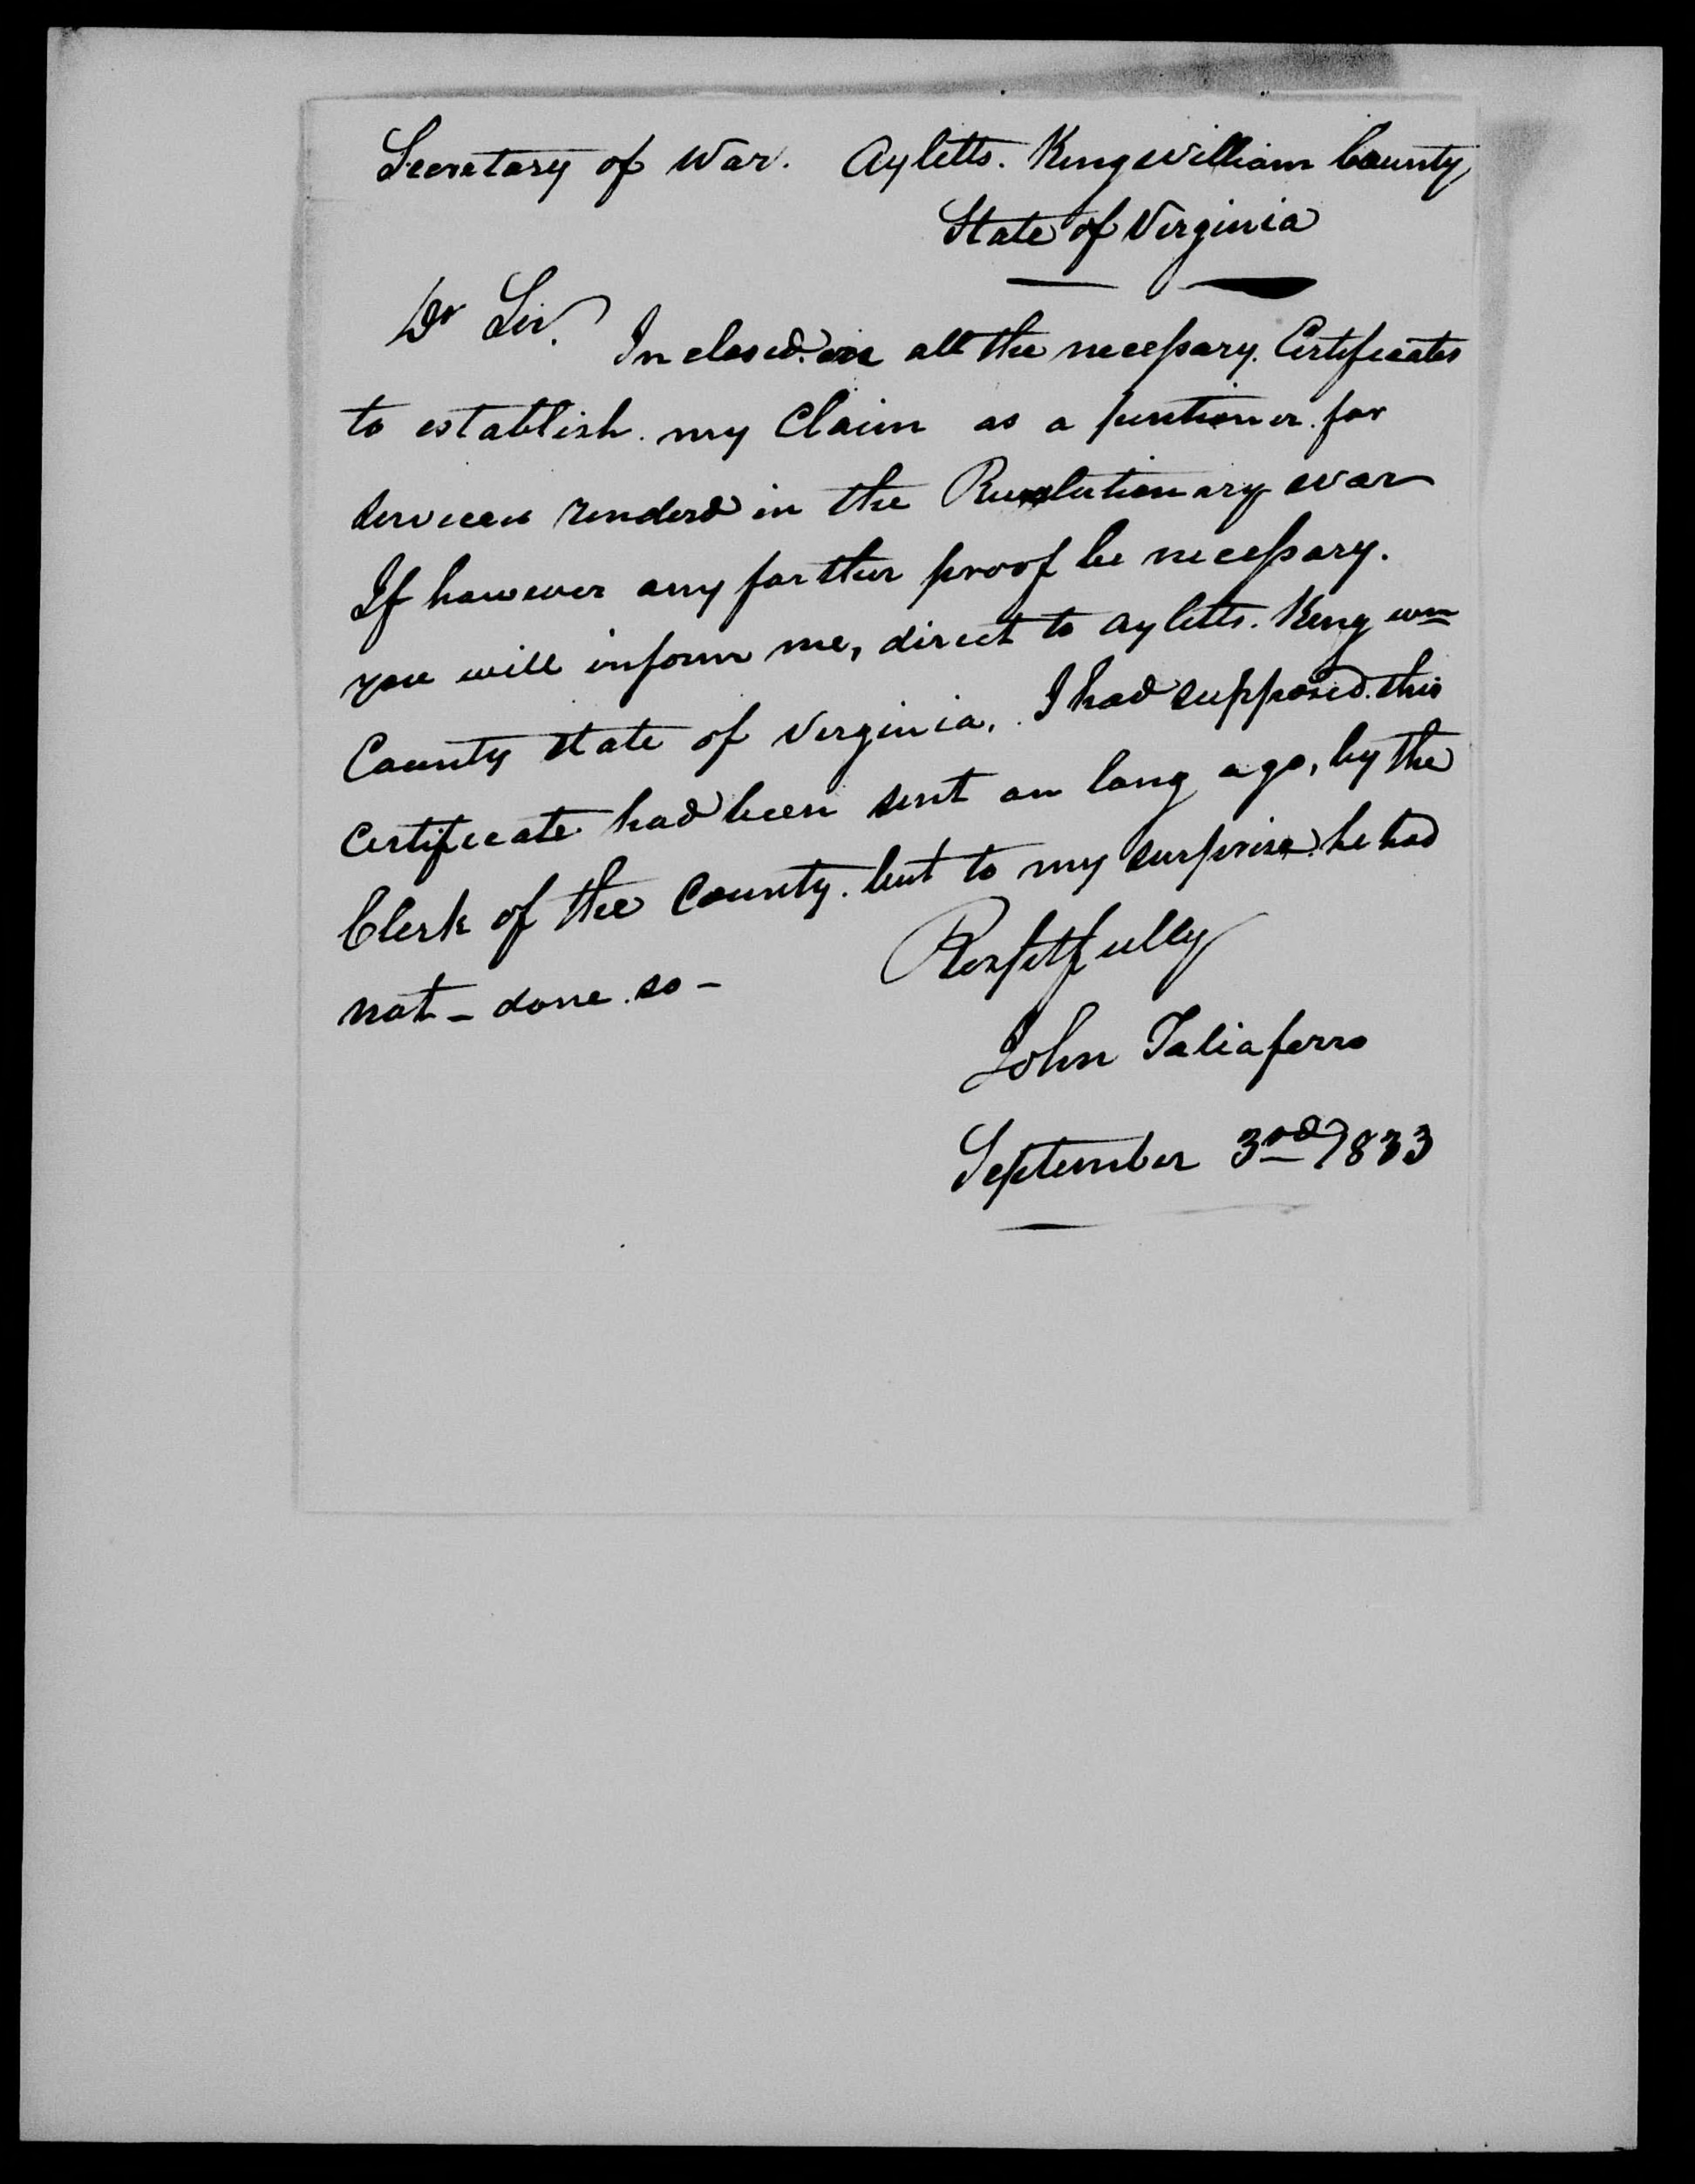Secretary of War
Ayletts
King William County 
State of Virginia

Dear Sir.
In closed are all the necessary Certificates to establish my claim as a petitioner [?] for services rendered in the Revolutionary war. If however any farther proof be necessary you will inform me, direct to Ayletts, King Wm County state of Virginia. I had supposed this certificate had been sent on long ago, by the Clerk of the County, but to  my surprise he had not done so. 
Respectfully, 
John Taliaferro
September 3rd 1833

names: John Taliaferro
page: 20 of 34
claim: survivor's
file: S. 19483, for John Taliaferro, Virginia